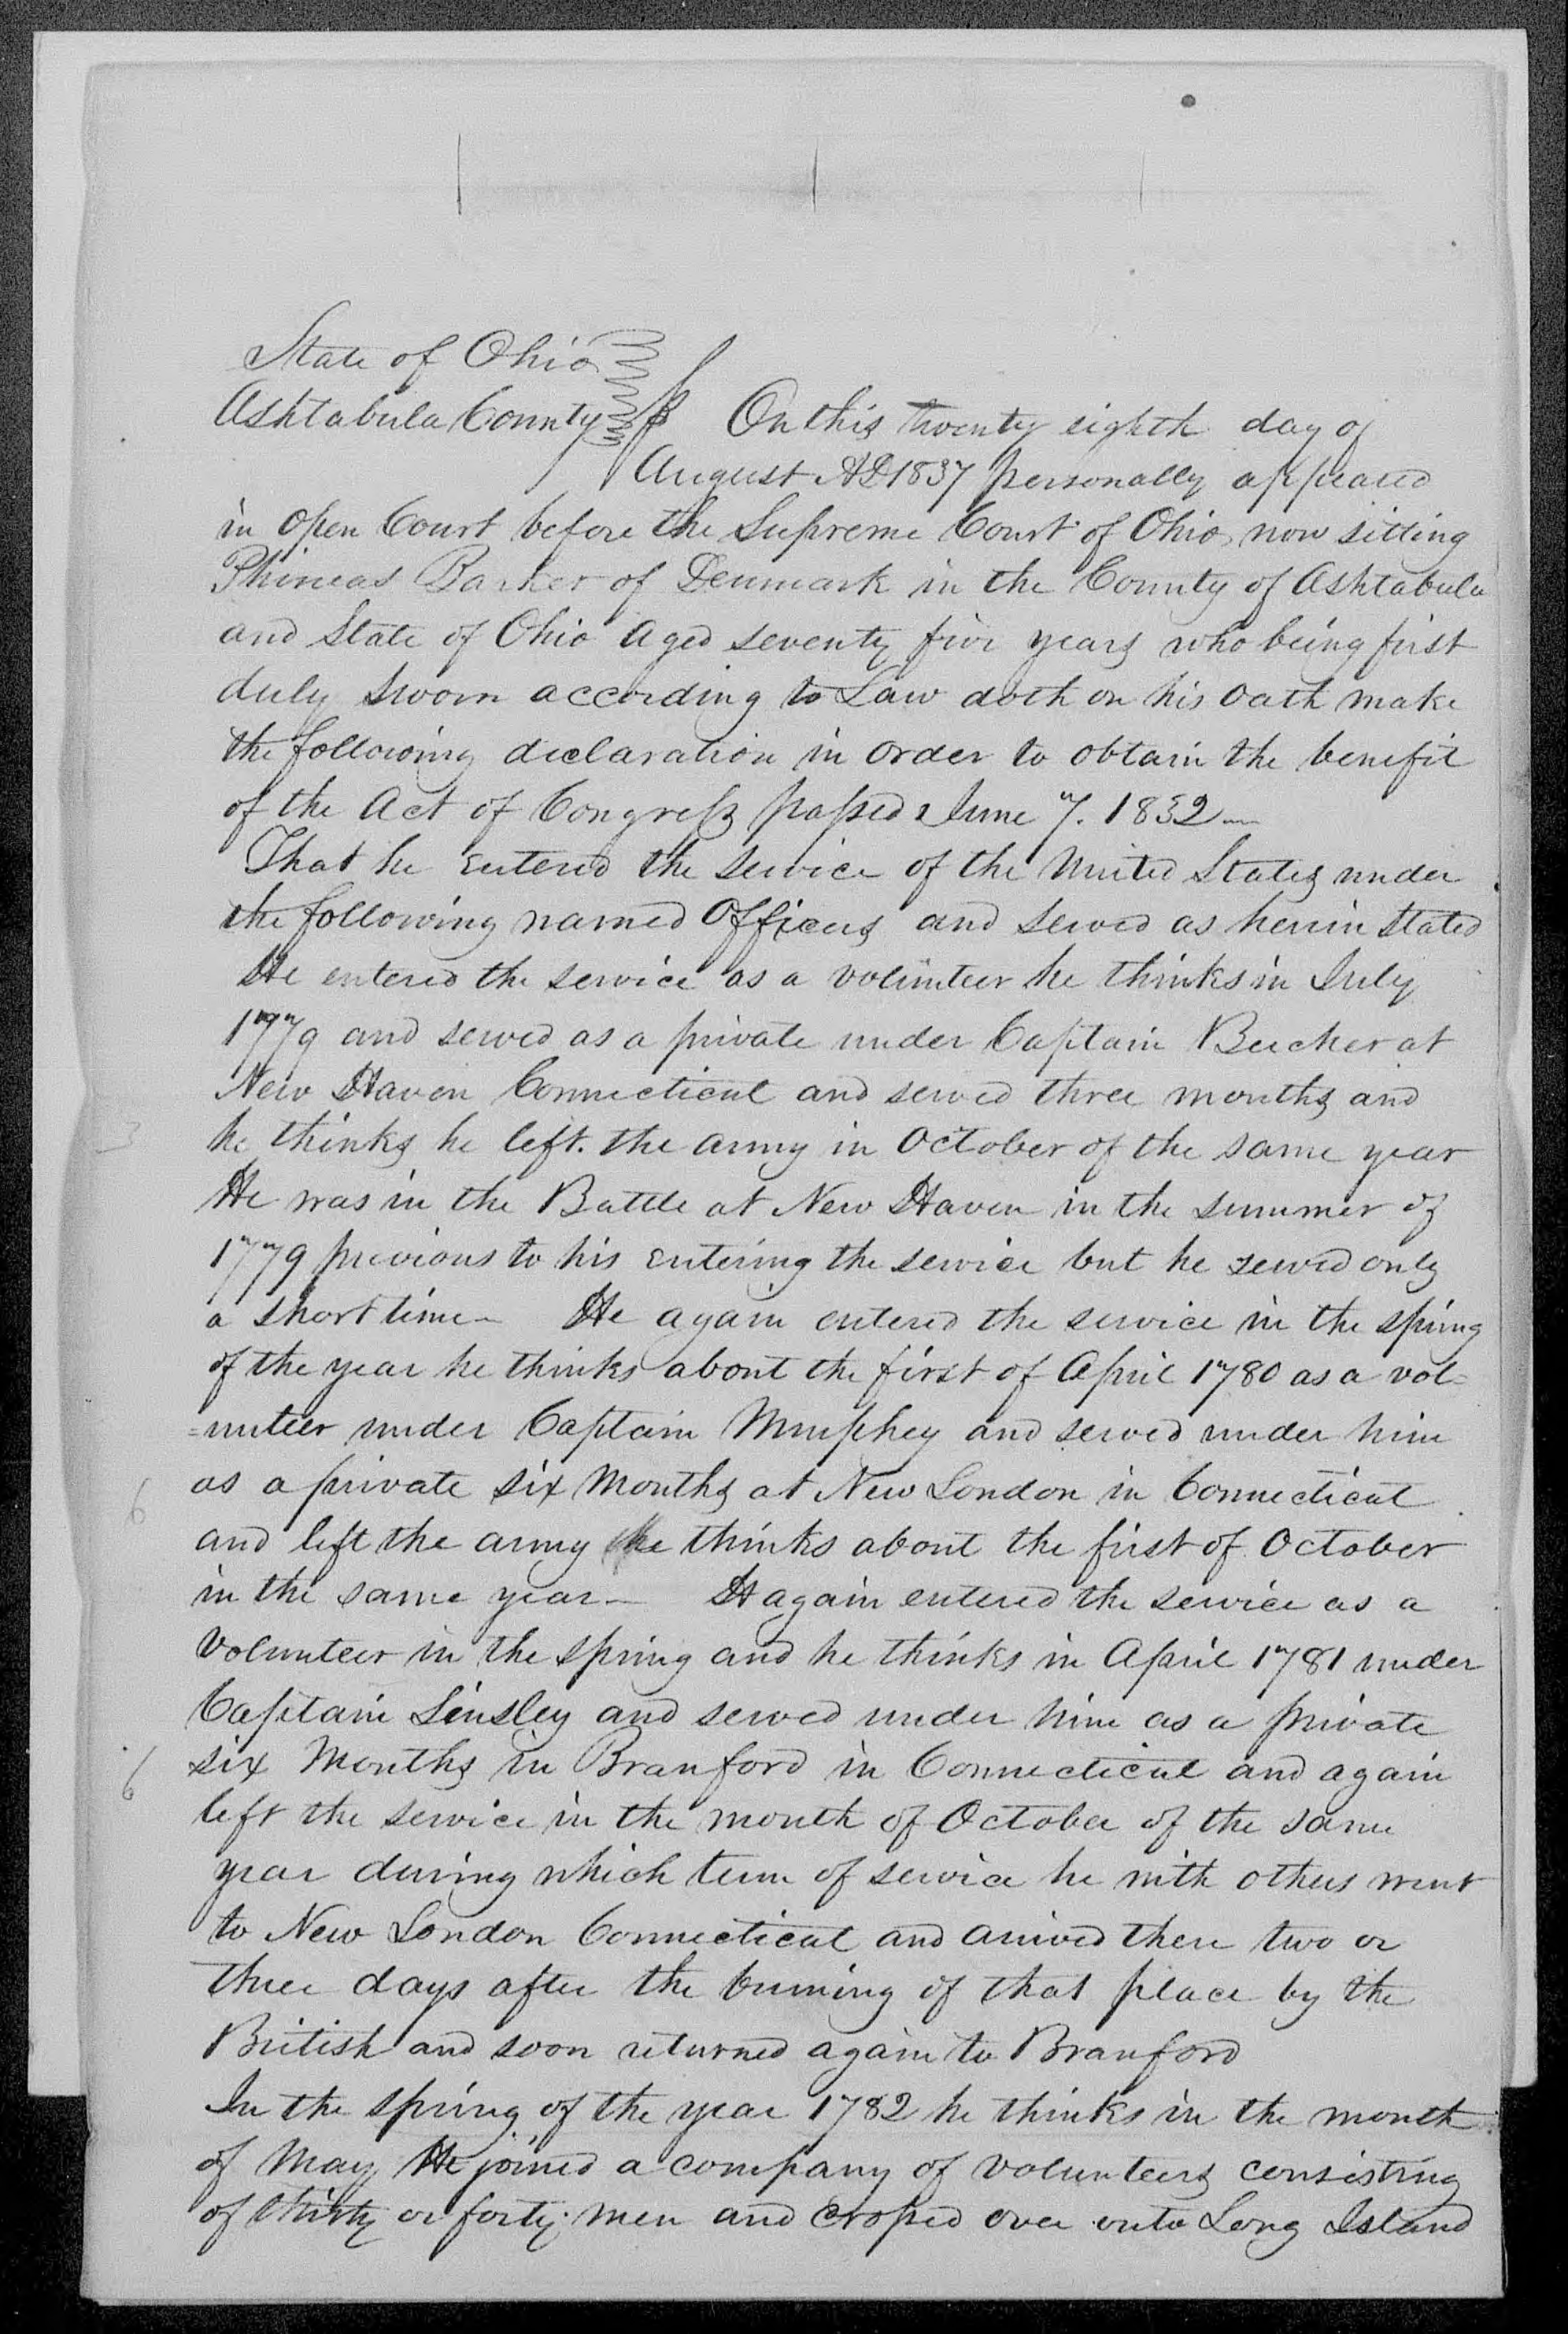State of Ohio 
Ashtabula County } ss On this twenty eighth day of August AD 1837 personally appeared in open Court before the Supreme Court of Ohio now sitting Phineas Barker of Denmark in the County of Ashtabula and State of Ohio aged Seventy five years who being first duly sworn according to Law doth on his oath make the following declaration in order to obtain the benefit of the Act of Congress passed June 7, 1832. 
That he entered the service of the United States under the following named officers and served as herein stated.  
He entered the service as a volunteer he thinks in July 1779 and served as a private under Captain Bucher at New Haven Connecticut and served three months and he thinks he left the army in October of the same year.   He was in the Battle at New Haven in the summer of 1779 previous to his entering the service but he served only a short time. He again entered the service in the spring of the year he thinks about the first of April 1780 as a volunteer under Captain Murphey and served under him as a private six months at New London in Connecticut and left the army he thinks about the first of October in the same year.  He again entered the service as a Volunteer in the spring and he thinks in April 1781 under Captain Linsley and served under him as a private six months in Branford in Connecticut and again left the service in the month of October of the same year during which term of service he with others went to New London Connecticut and arrived there two or three days after the burning of that place by the British and soon returned again to Branford.   
In the spring of the year 1782 he thinks in the month of May He joined a company of volunteers consisting of thirty or forty men and crossed over unto Long Island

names: Murphey, Phineas Barker, Linsley, Bucher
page: 4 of 35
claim: rejected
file: R. 501, Phineas Barker, Conn. Privateer